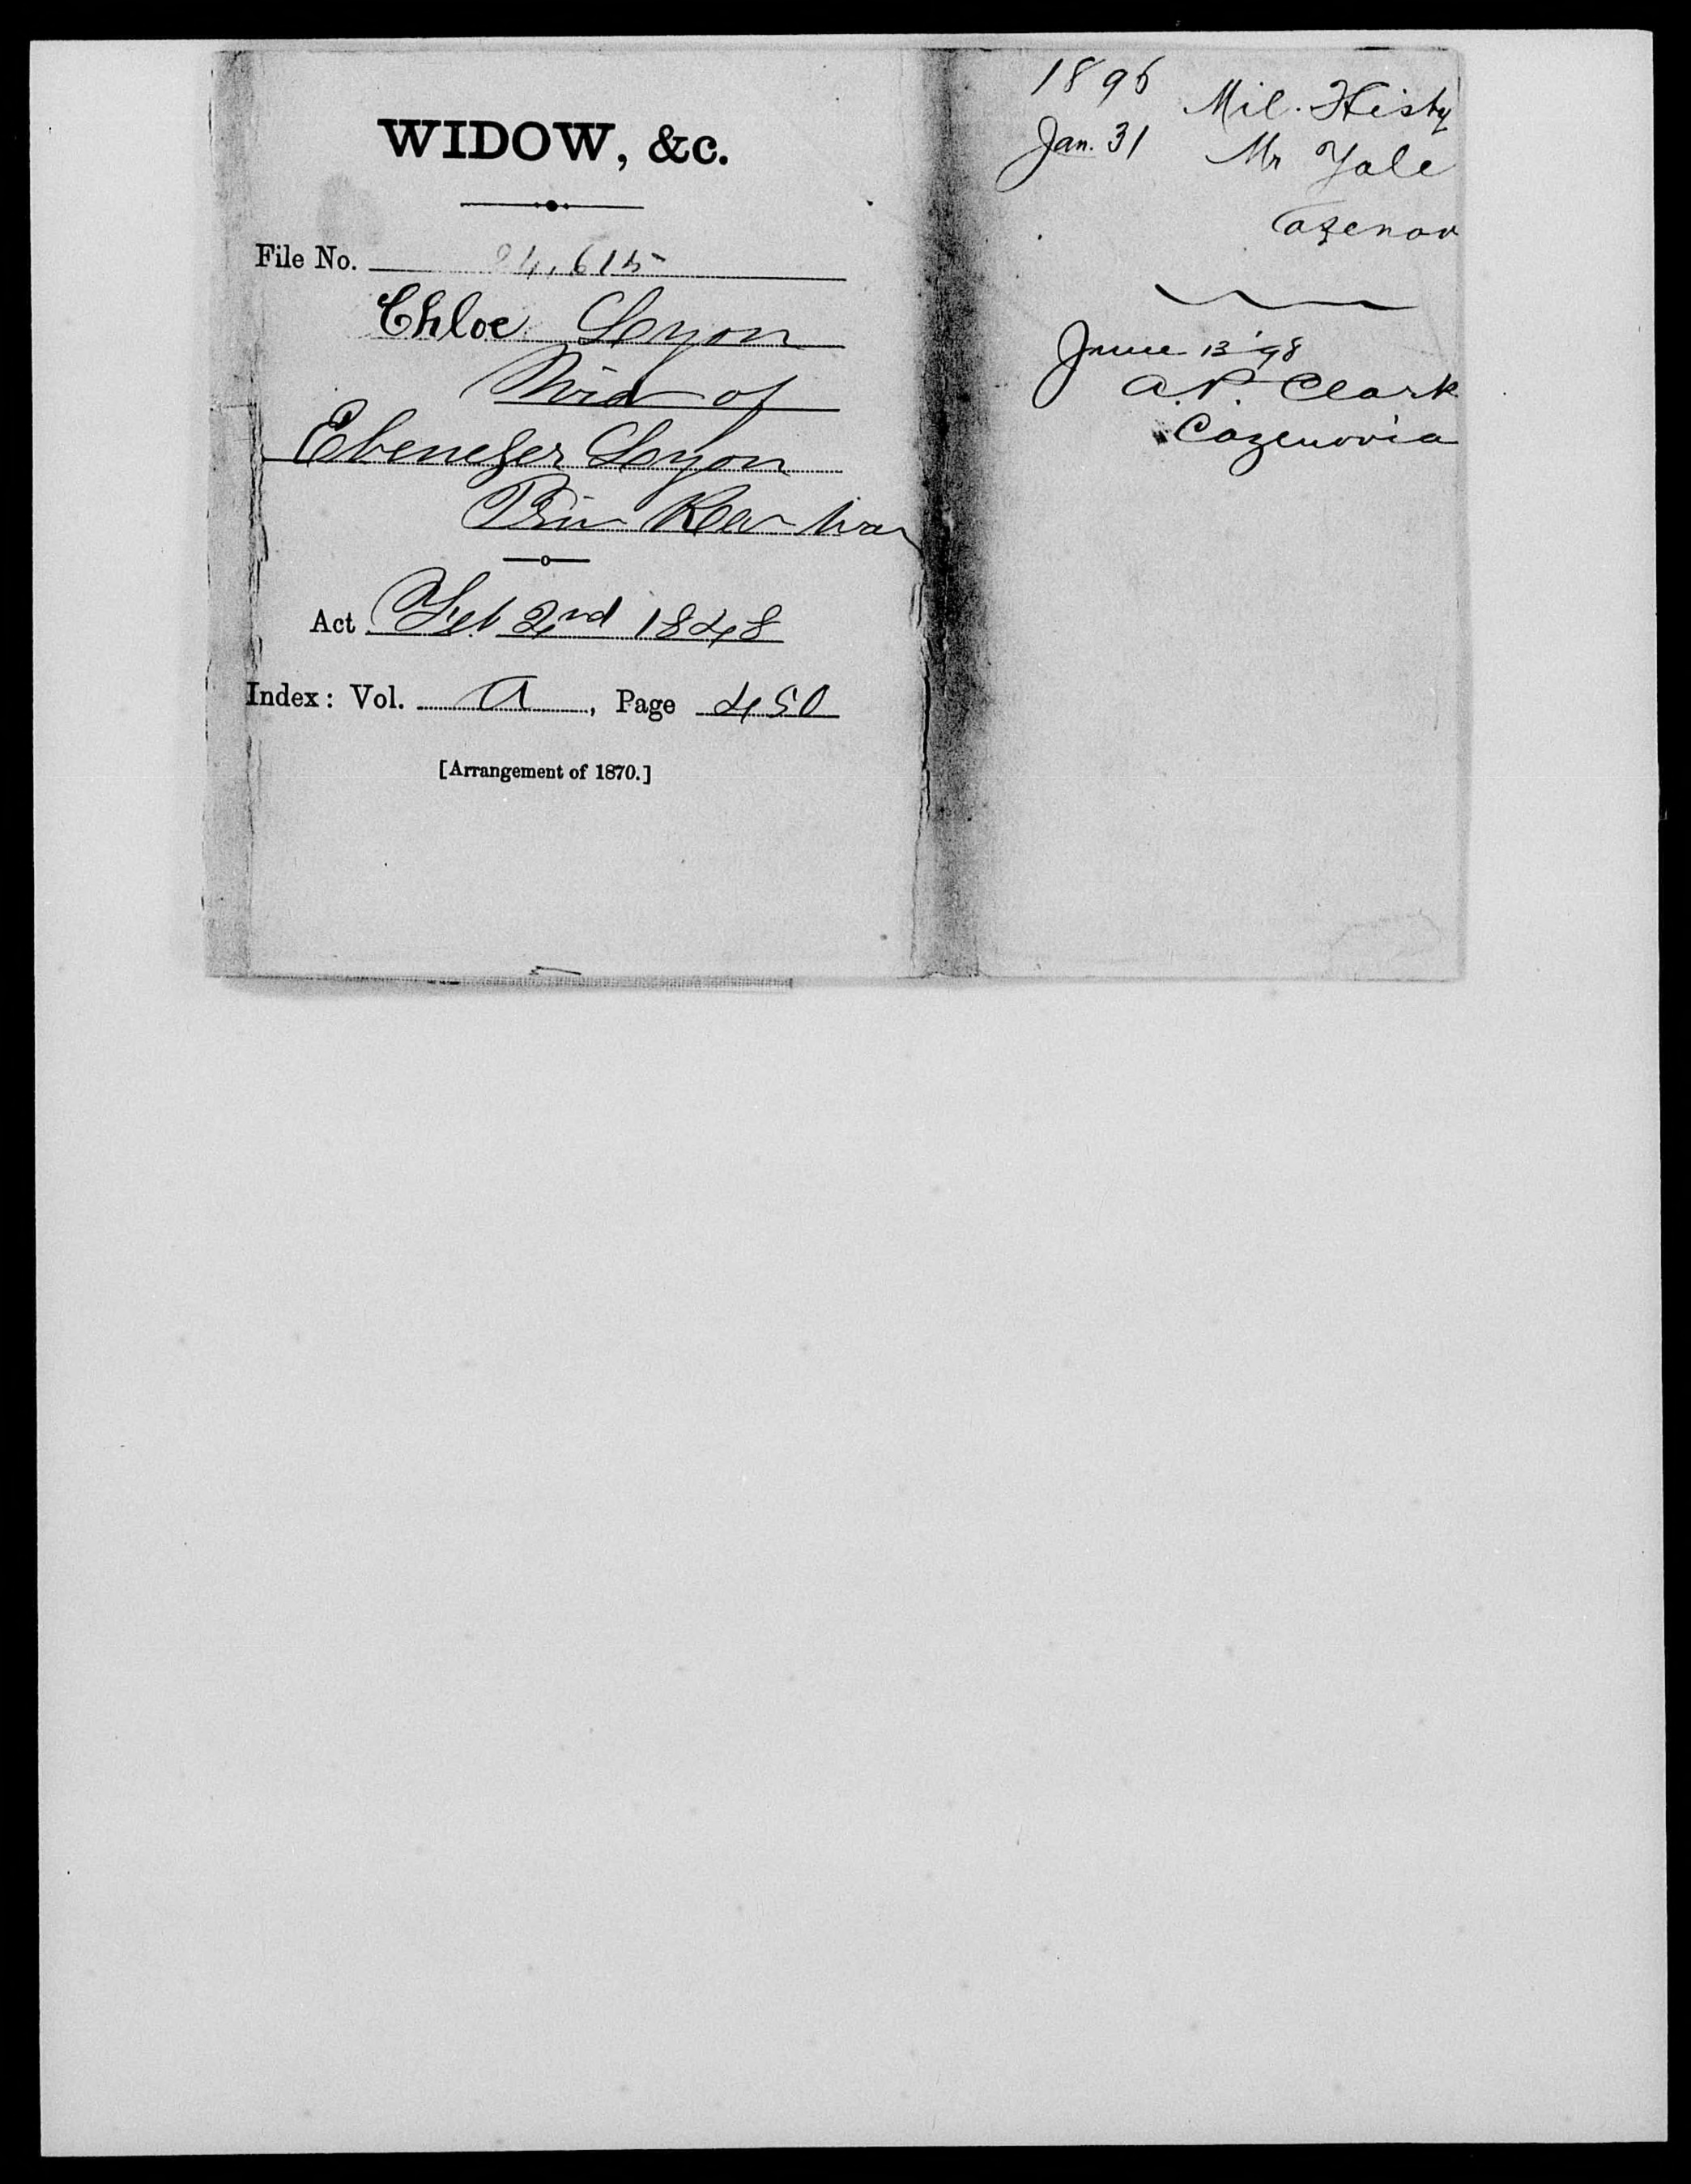WIDOW, &c.
File No. 24,615
Chloe Lyon
Wid of Ebenezer Lyon Pri Rev War
Act Feb 2nd 1848
Index: Vol. A, Page 450
[Arrangement of 1870.]
1896 Jan. 31 Mil. Histy Mr Yale Cazenovia
June 13 '98 A.P. Clark Cazenovia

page: 22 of 40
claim: widow's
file: W. 24,615, for Ebenezer Lyon, Connecticut